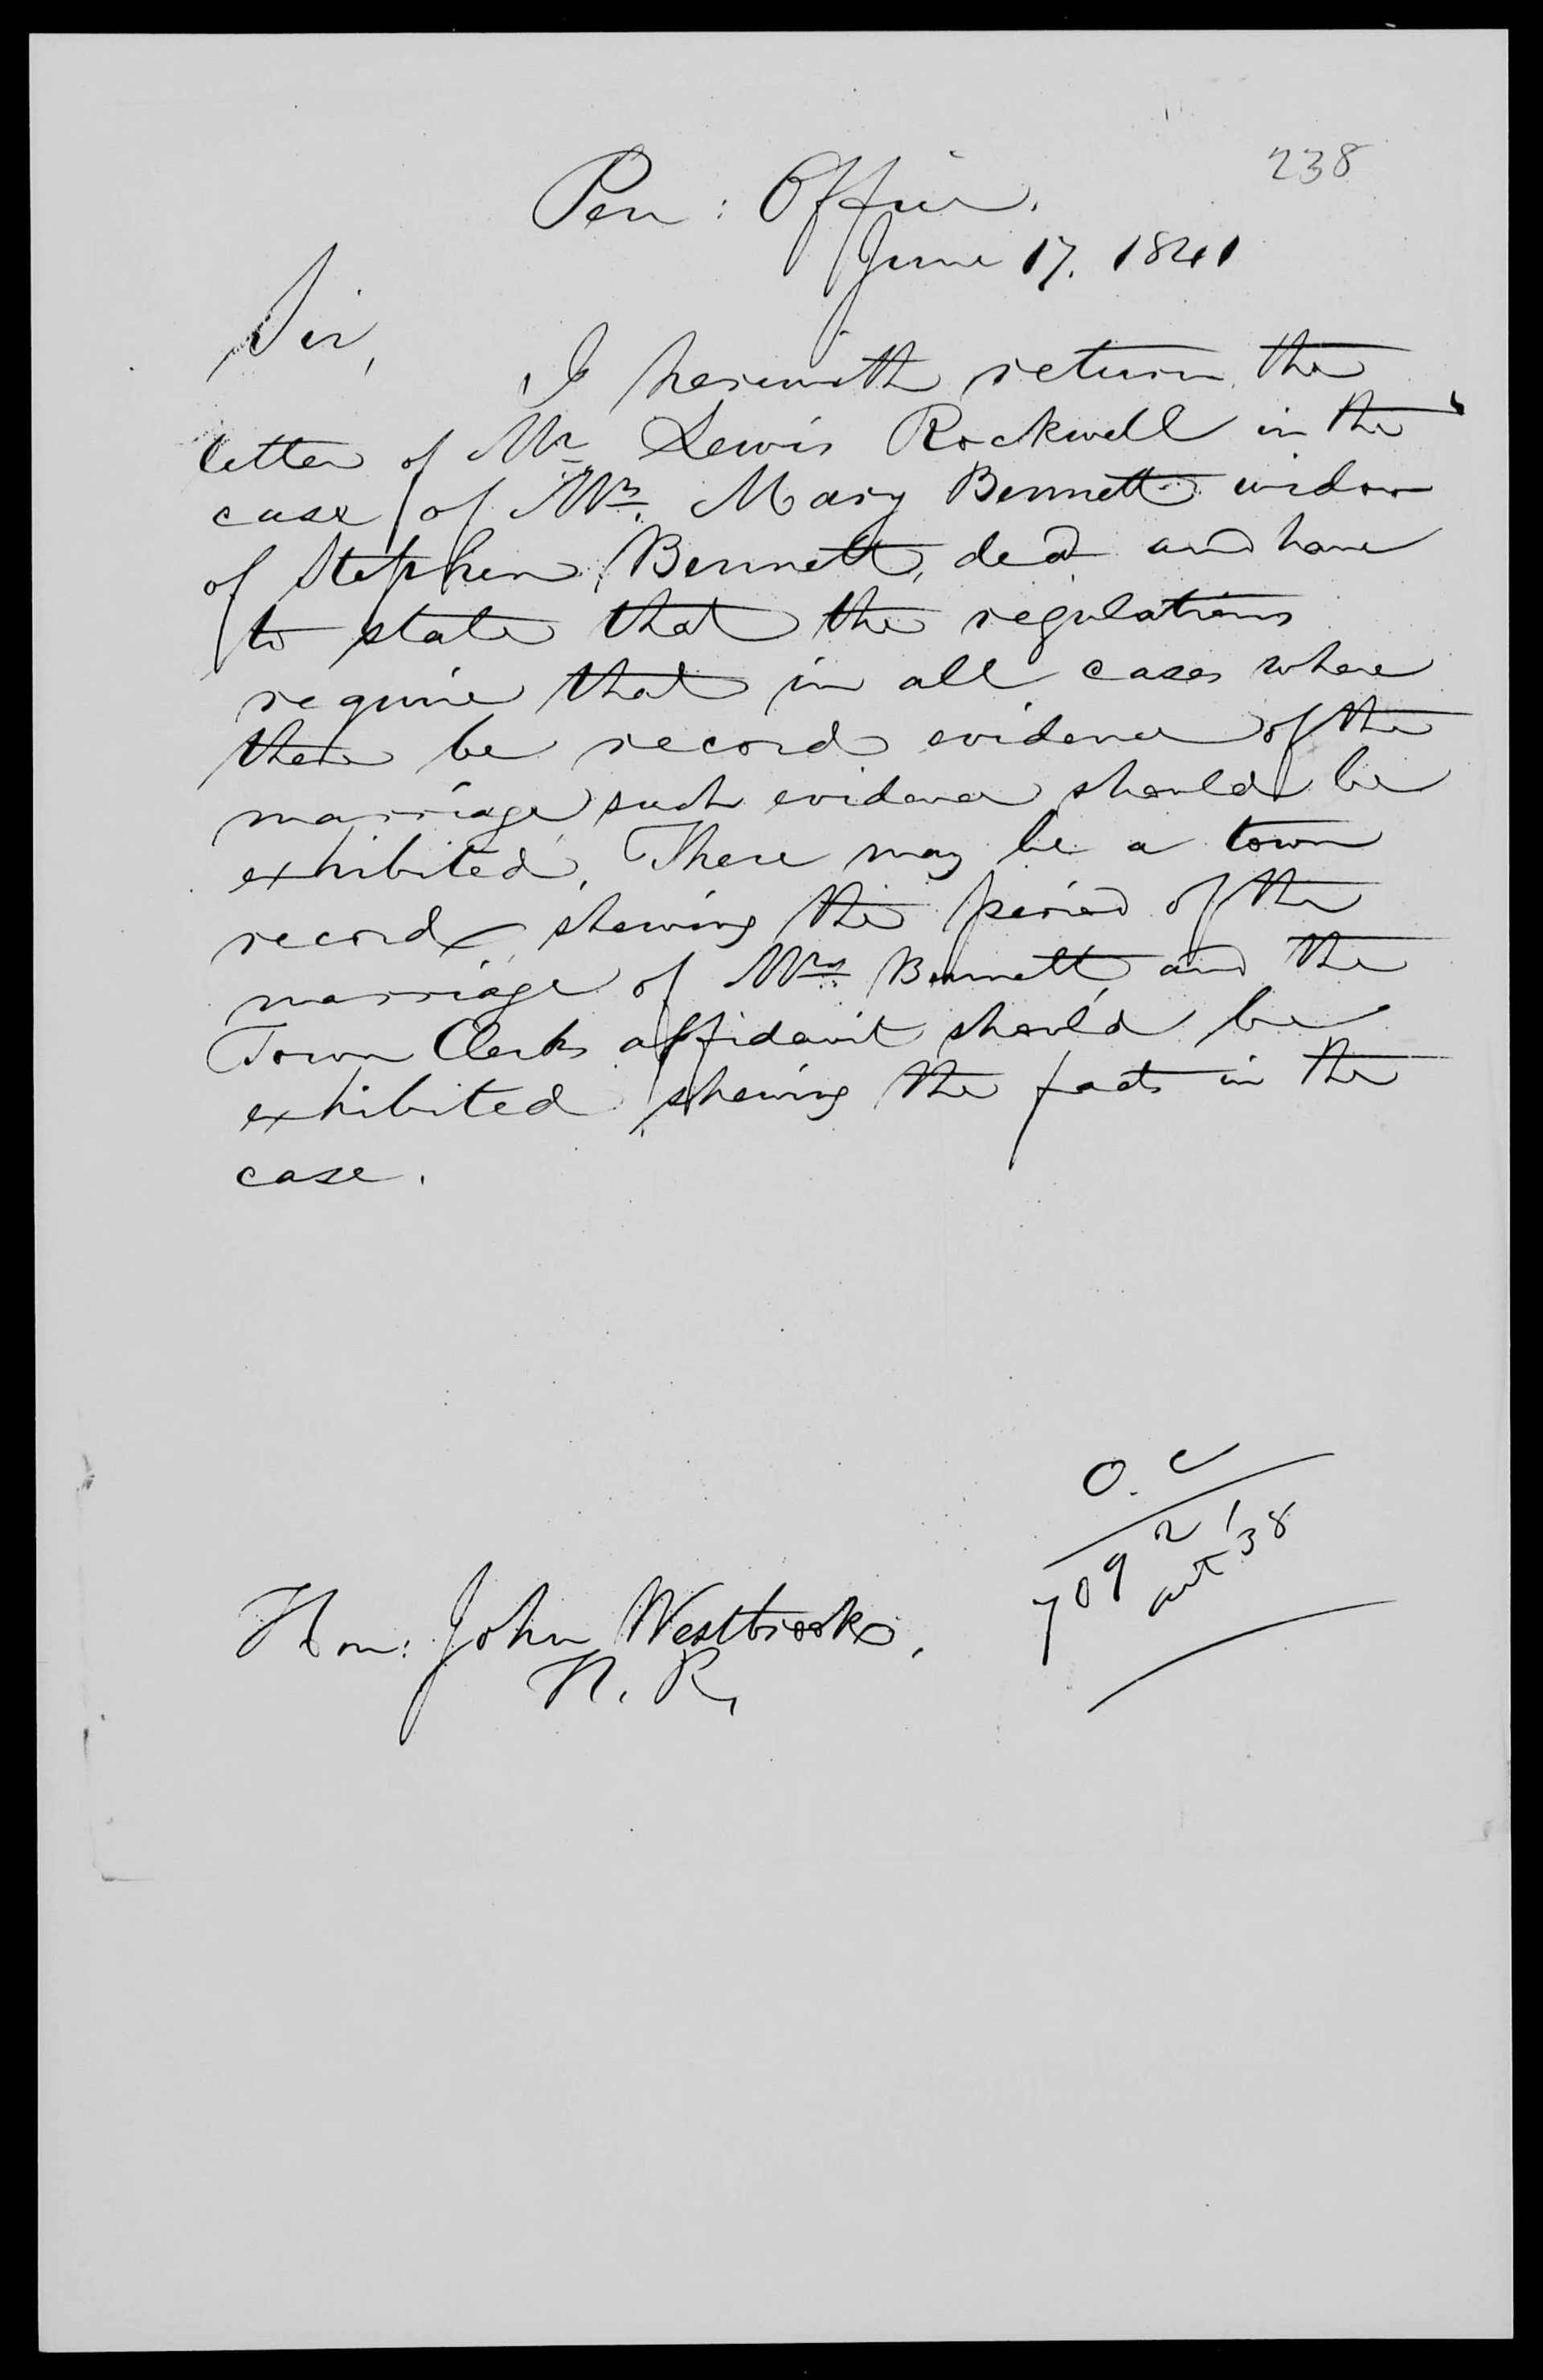238

Pen: Office
June 17, 1841
Sir,
I herewith return the letter of Mr. Lewis Rockwell in the case of Mrs. Mary Bennett widow of Stephen Bennett, decd, and have to state that the regulations require that in all cases where there be record evidence of the marriage such evidence should be exhibited. There may be a town record showing the period of the marriage of Mr. Bennett and the Town Clerk's affidavit should be exhibited showing the facts in the case. 

Hon. John Westbrook H. R.

O.C.
70921
Act 38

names: Lewis Rockwell, Bennett, Mary Bennett, Stephen Bennett, John Westbrook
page: 62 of 79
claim: widow's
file: W. 2,906, Stephen Bennet, Conn.